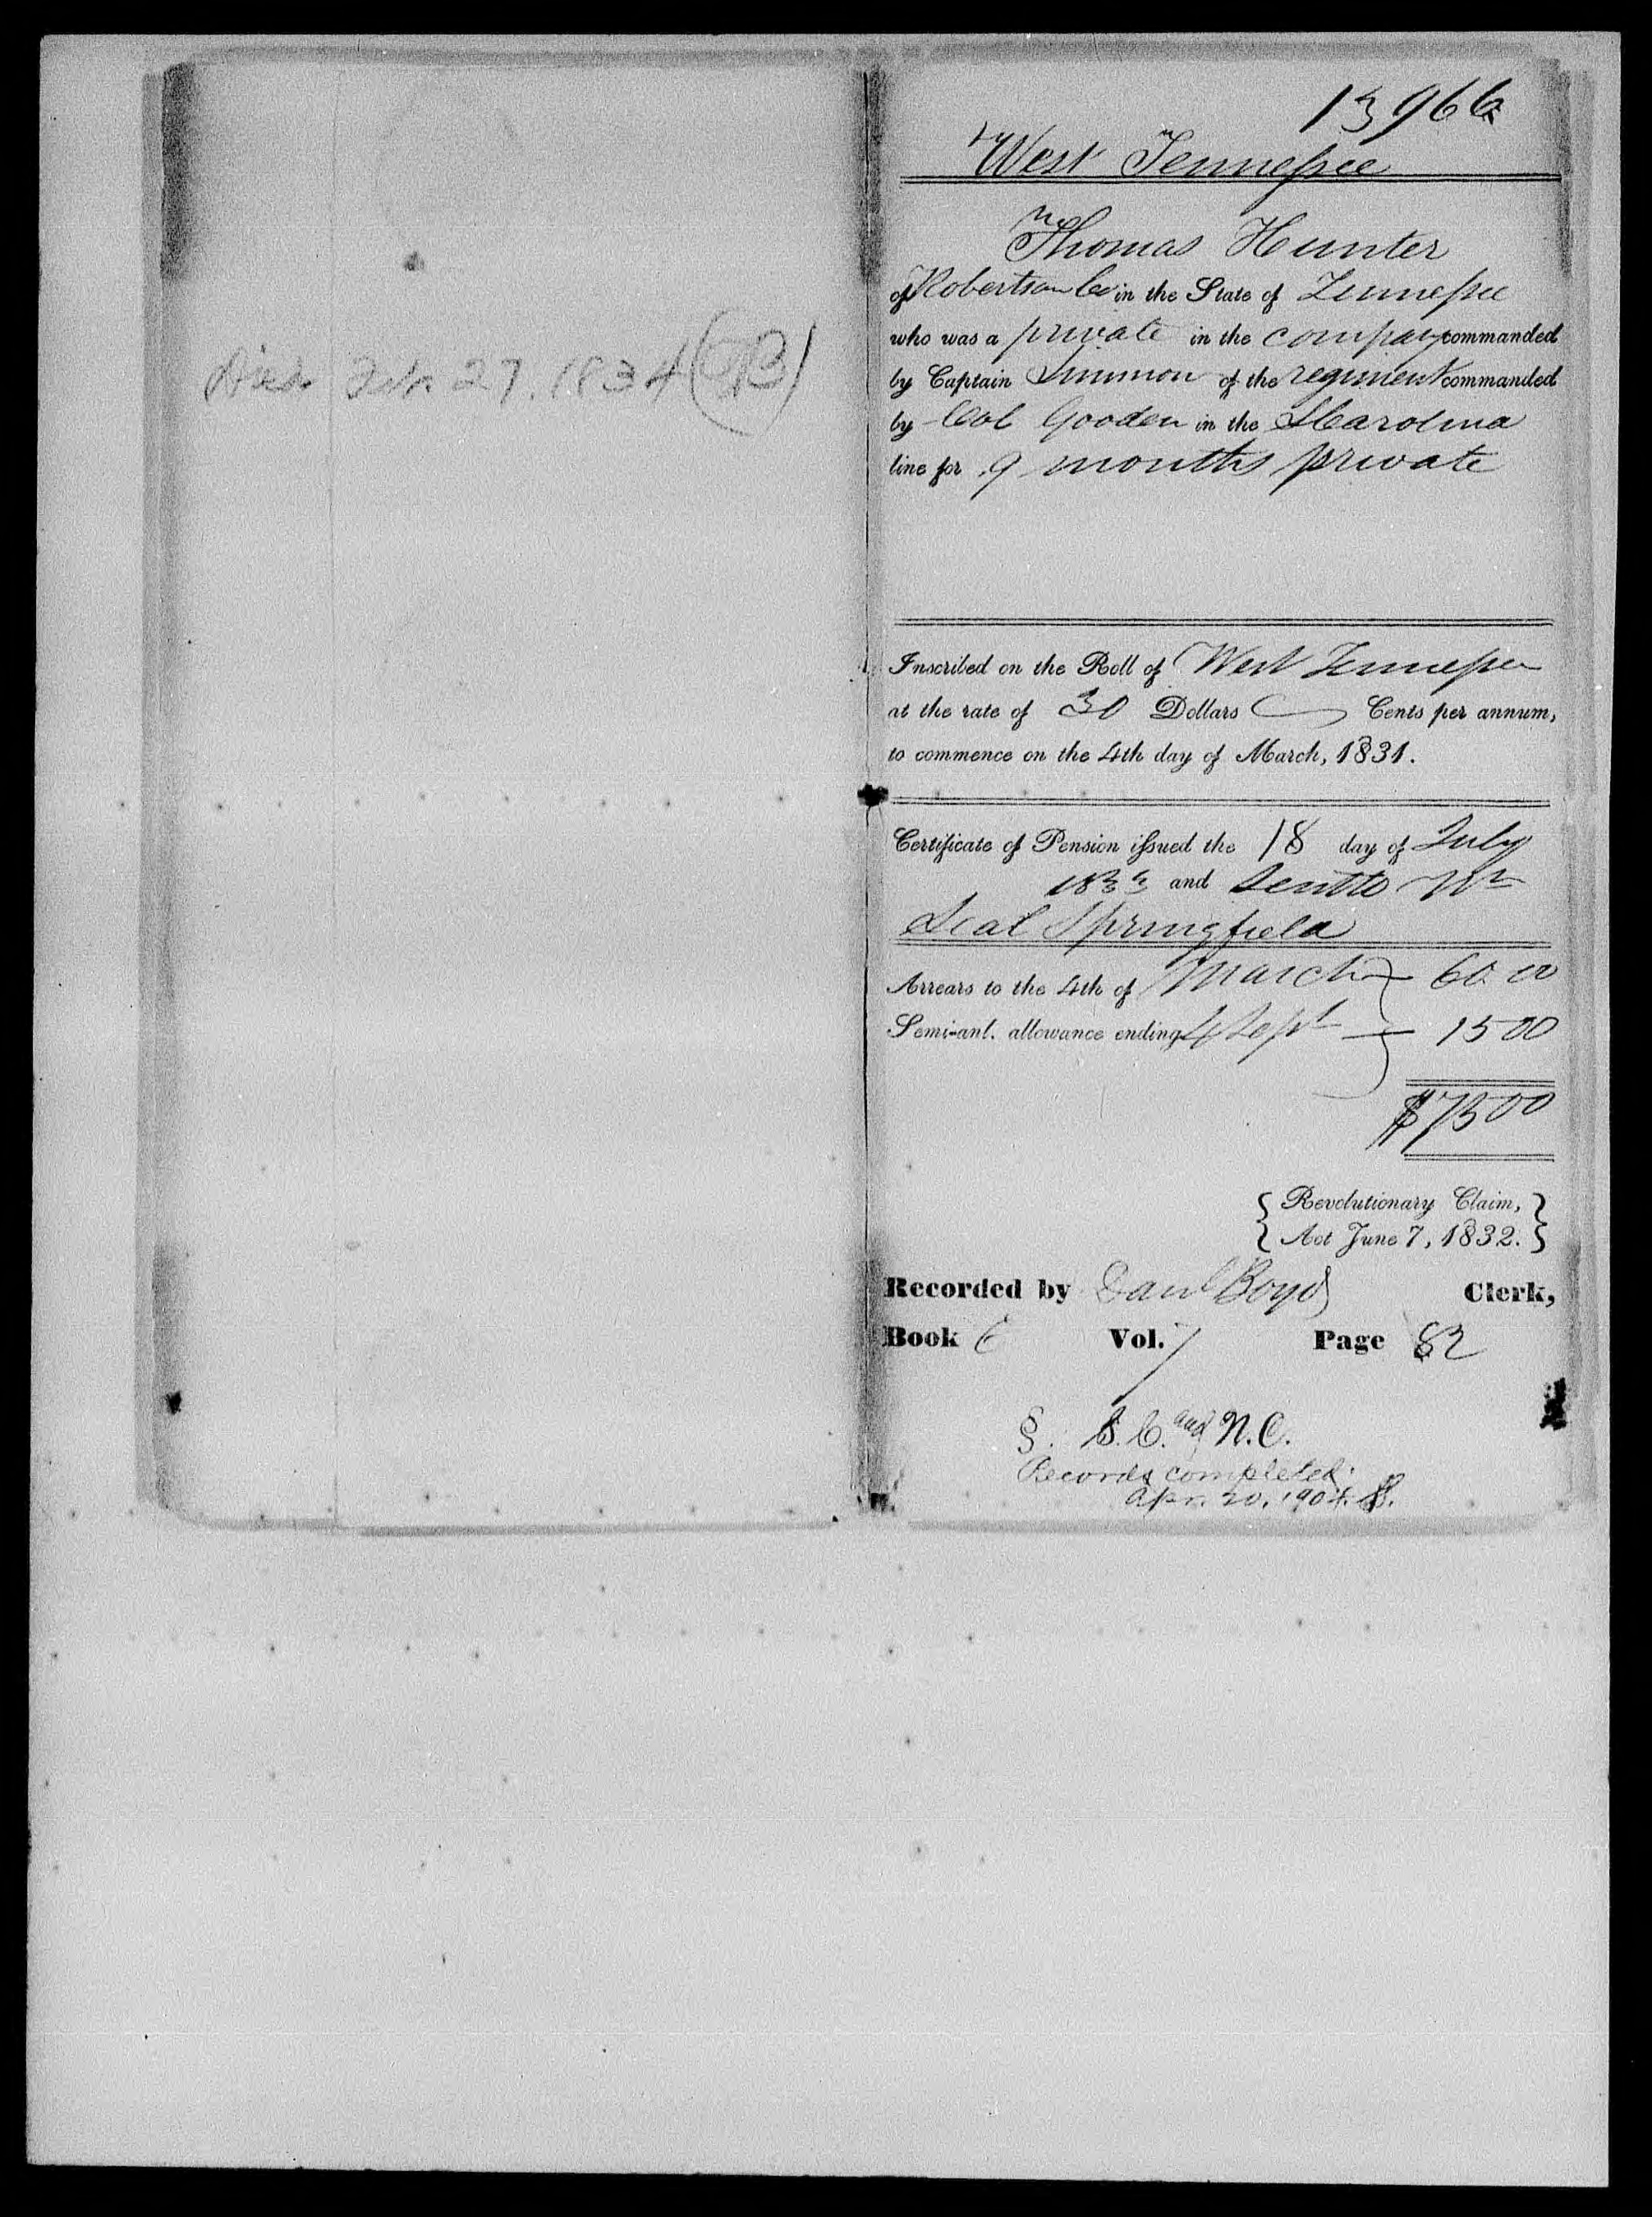Died Feb. 27, 834 (9B)

13966
West Tennessee
Thomas Hunter of Robertson Co. in the State of Tennessee
who was a private in the Company commanded  by Captain Simmon of the regiment commanded by Col Gooden in the SCarolina line for 9 months private
Inscribed on the Roll of West Tennessee at the rate of 30 Dollars - Cents per annum, to commence on the 4th day of March, 1831.
Certificate of Pension issued the 18 day of July 1833 and sent to Wm Sc at Springfield
Arrears to the 4th of March} 60.00
Semi-anl. allowance ending 4 Sept} 15.00
$75.00
{Revolutionary Claim,
Act June 7, 1832
Recorded by Danl Boyd Clerk, Book 6 Vol. 7 Page 82
S.C. and N.C. Records completed Apr. 20, 1904
[Illegible]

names: Thomas Hunter; [BLANK] Gooden; Danl Boyd; [BLANK] Simmons; Wm Seal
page: 2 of 19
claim: survivor's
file: S. 4411, for Thomas Hunter, North Carolina